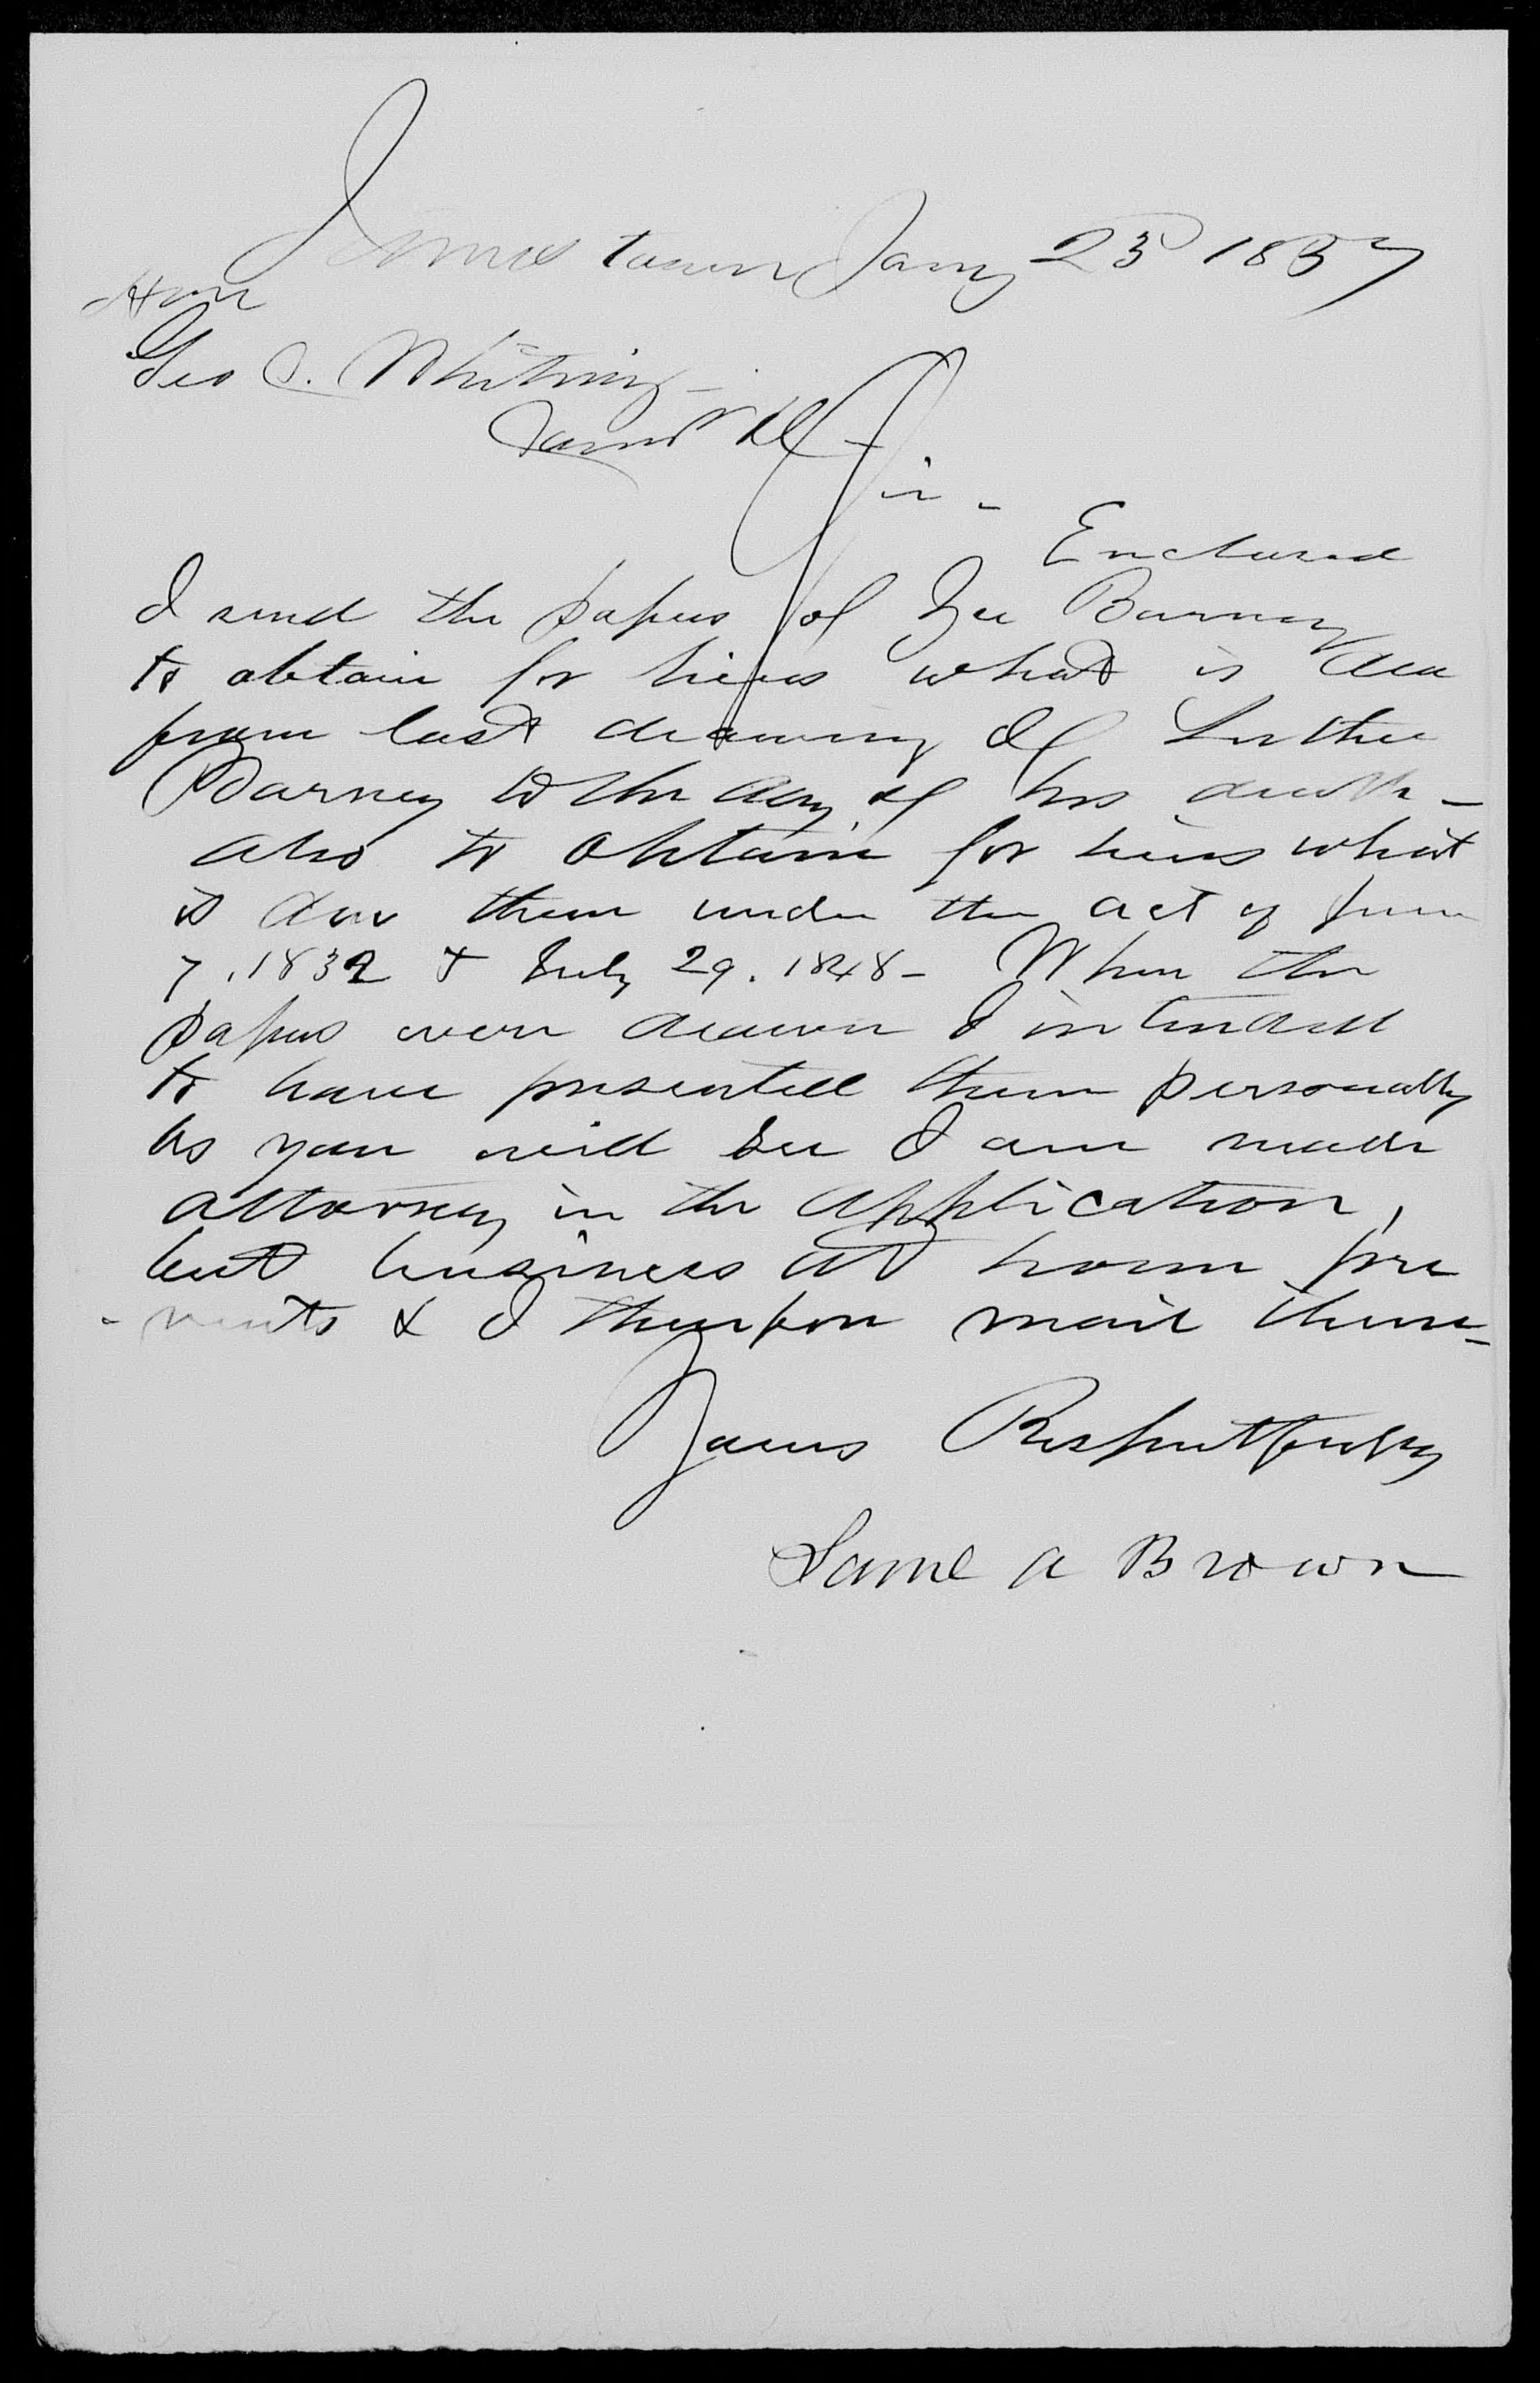Jamestown Jany 23d 1837
Hon Geo A. Whitney
[illegible name]

Enclosed I send the papers of Zee Barney to obtain for him what is due from last drawing of Luther Barney to the day of his death.

Also to obtain for heirs what is due them under the act of June 7, 1832 & July 29, 1848. When the papers were drawn I intended
to have presented them personally As you will see I am made attorney in the application,
but business at home prevents & I therefore mail them

Yours Respectfully
Saml A Brown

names: Saml A Brown, Geo C Whiting, Zee Barney, Luther Barney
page: 45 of 61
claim: widow's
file: W. 4.124, Luther Barney, Conn. Privateer.